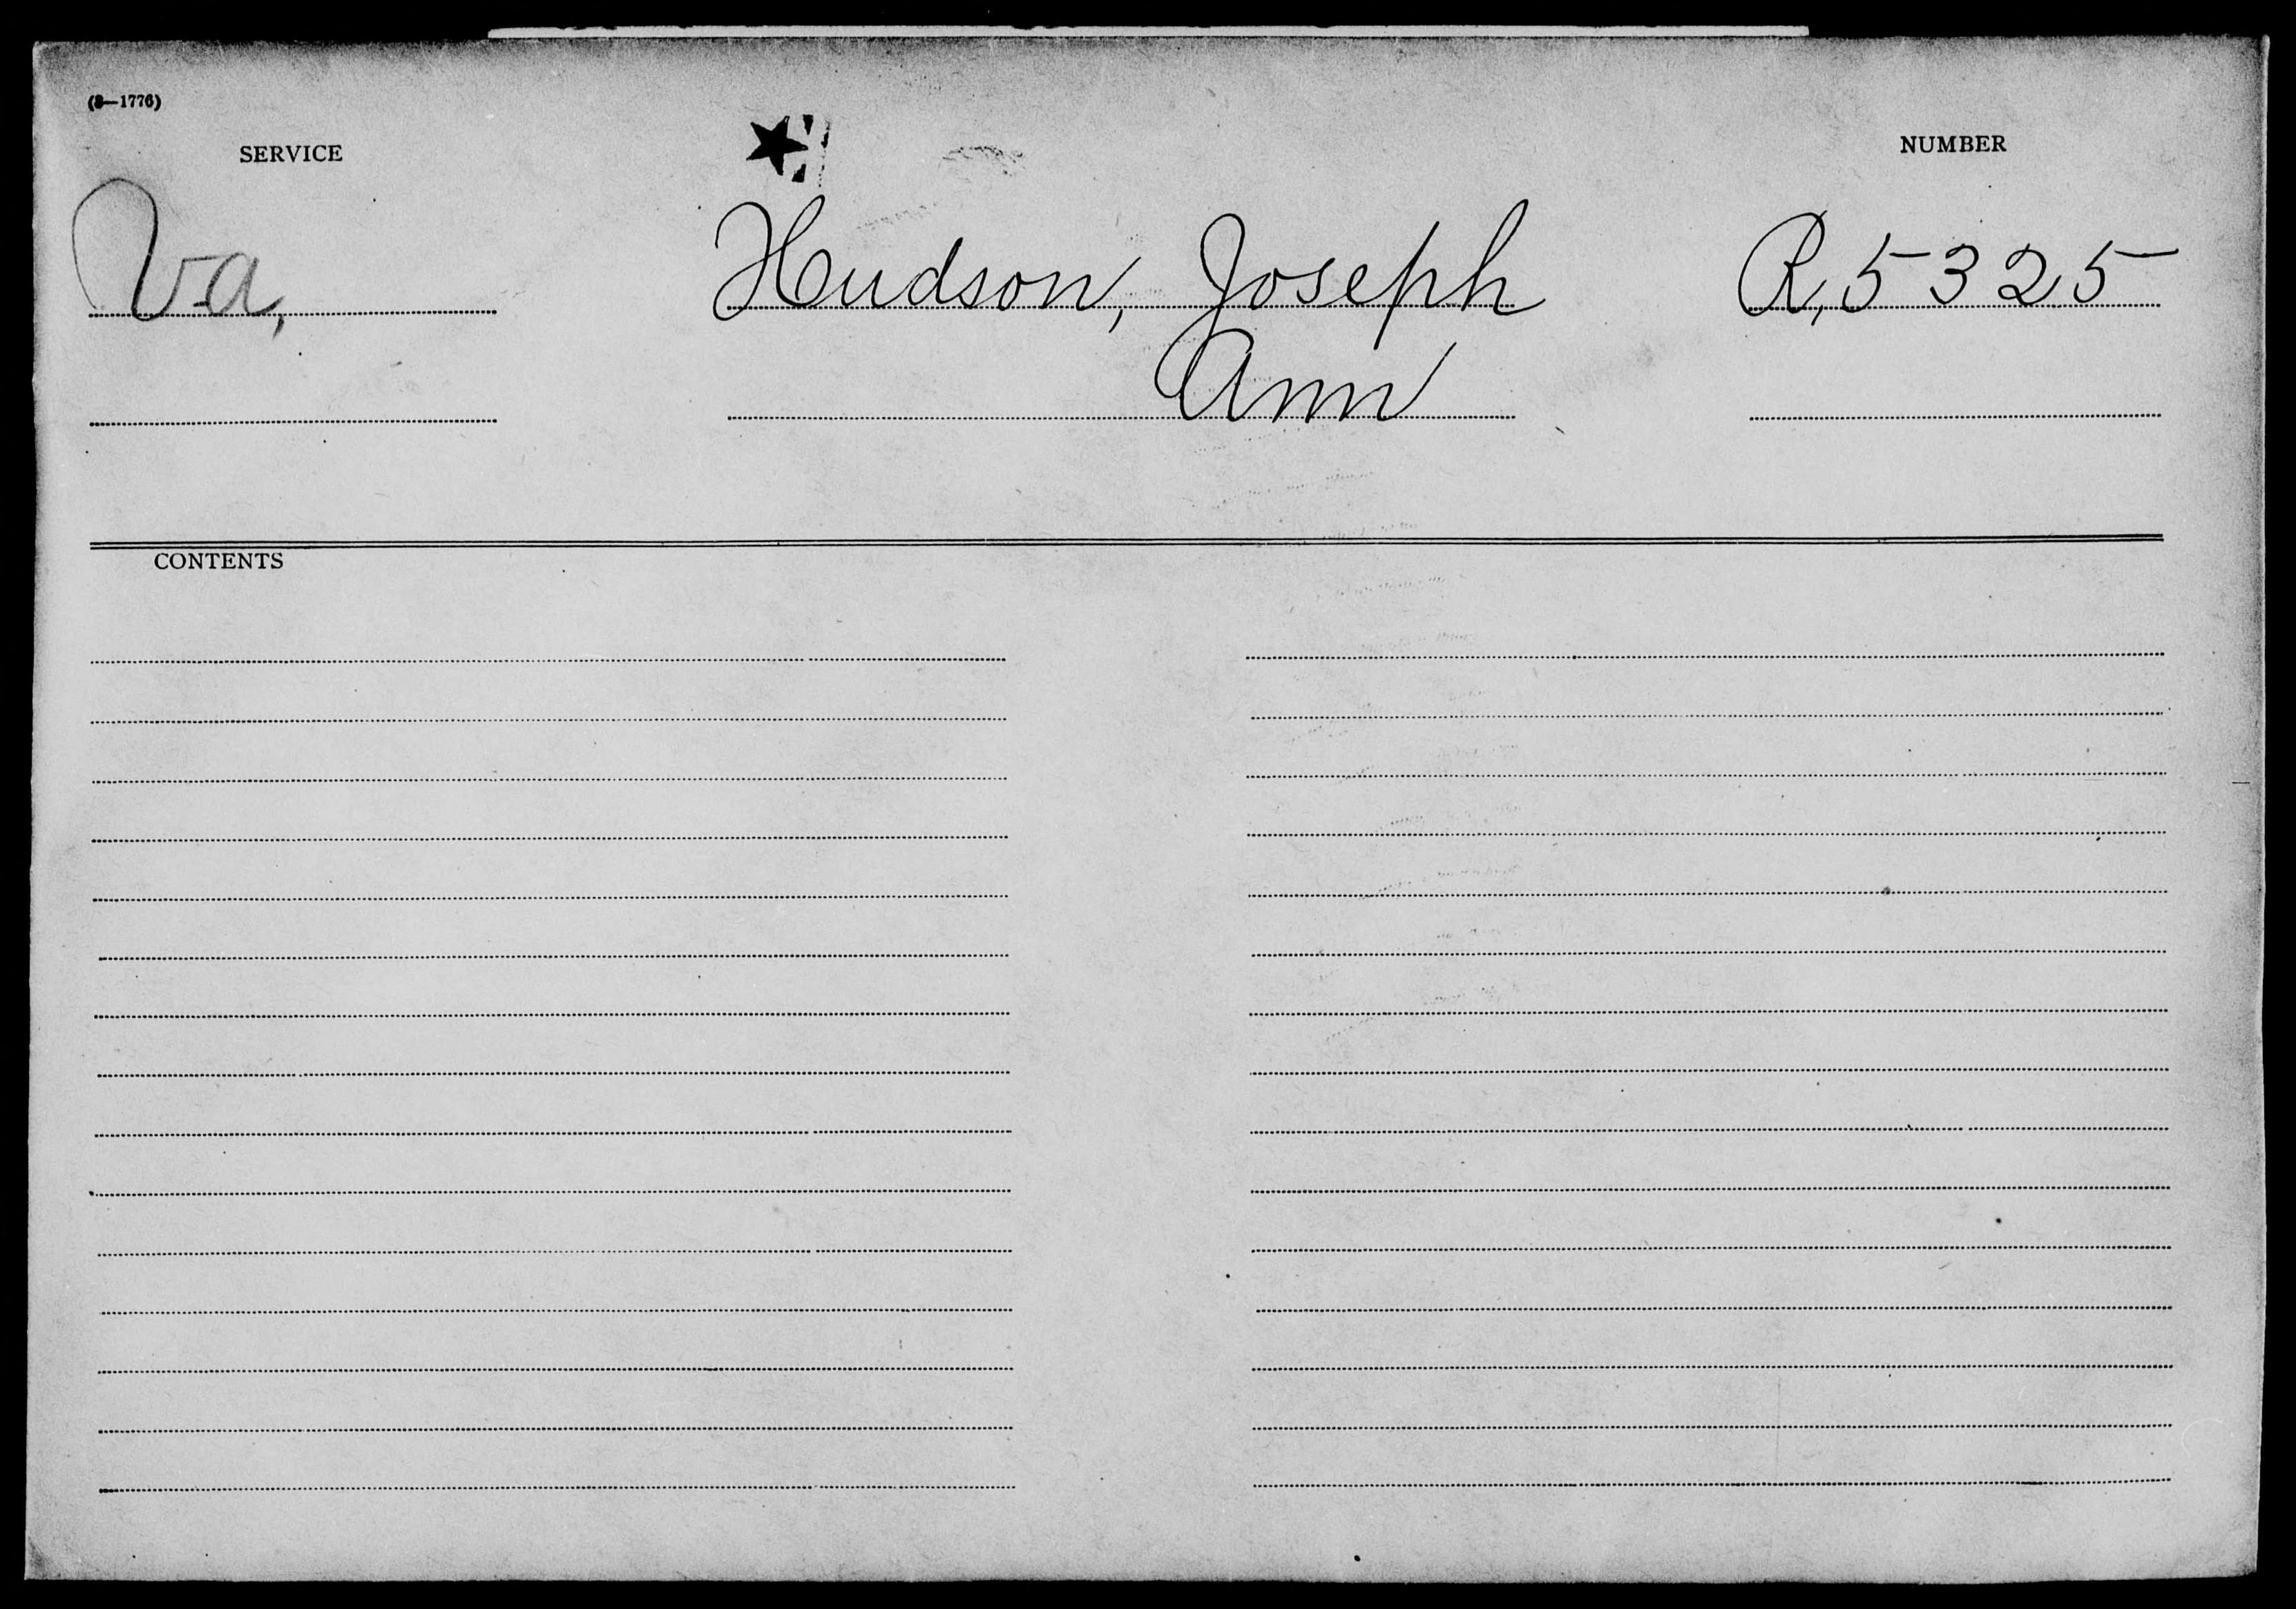(3-1776)
SERVICE                               NUMBER
Va.          Hudson, Joseph    R.5325
                              Ann
CONTENTS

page: 1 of 7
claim: rejected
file: R. 5325, Joseph Hudson, Va.